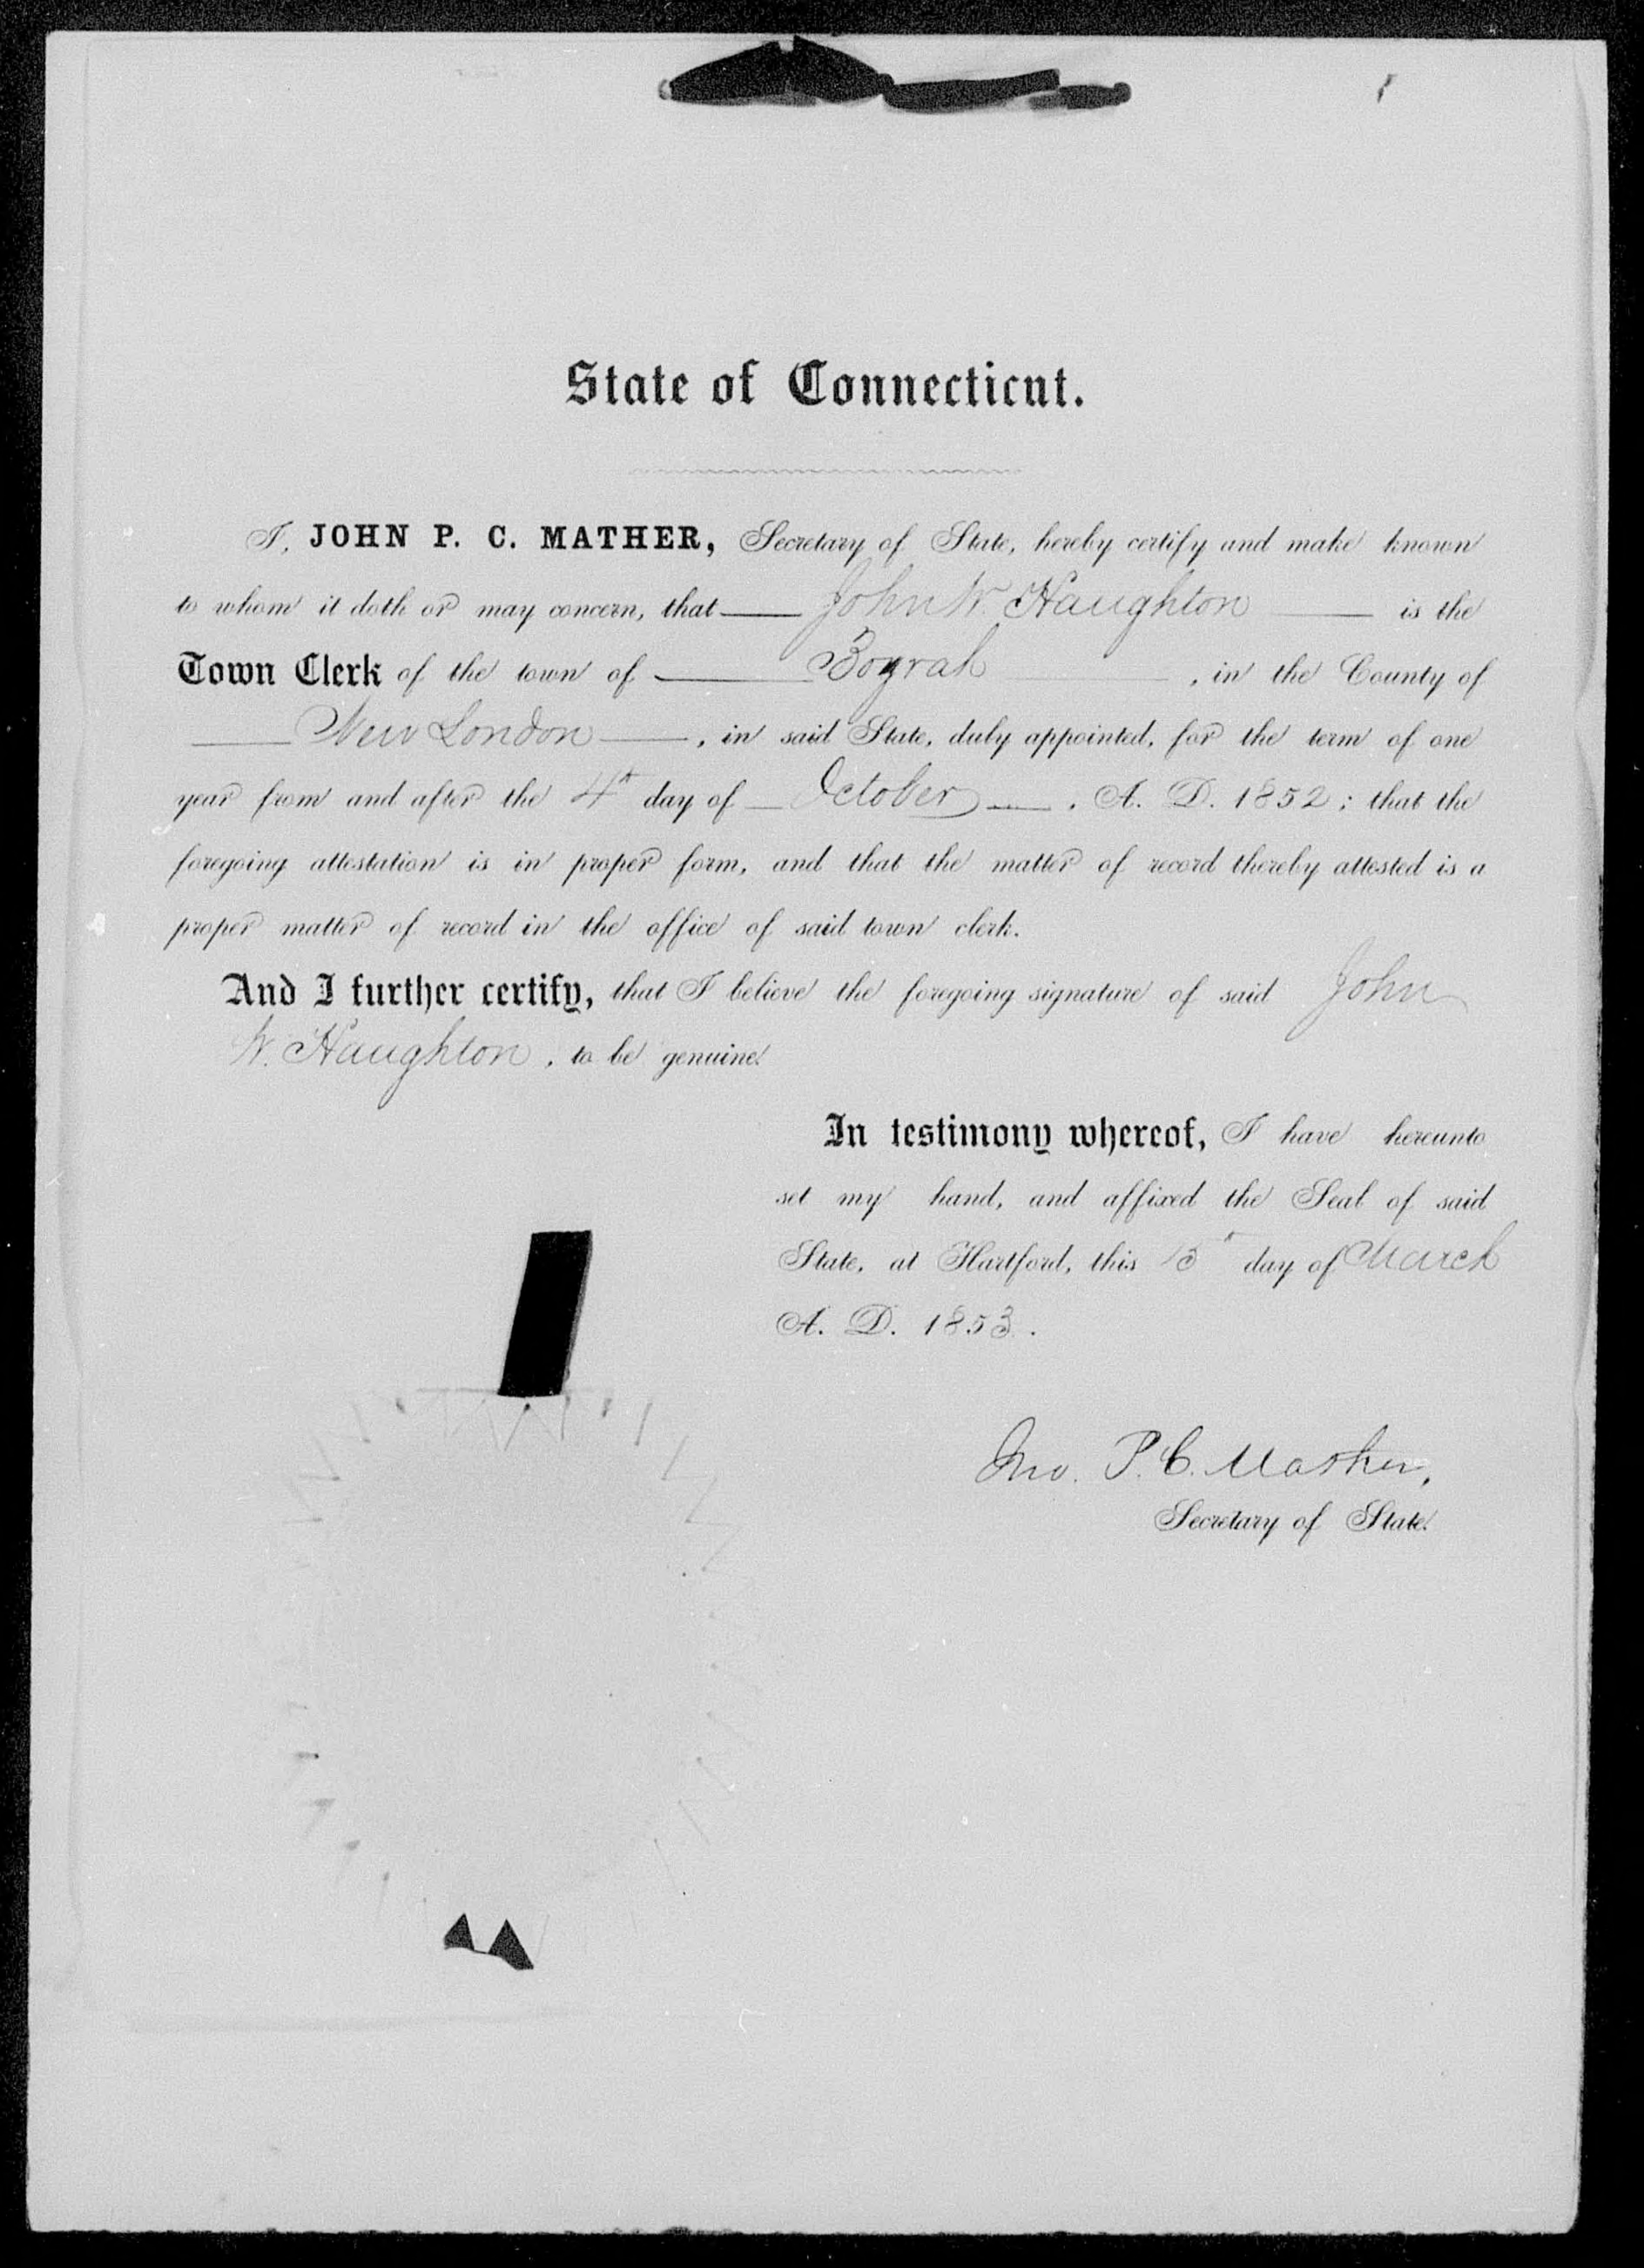State of Connecticut.

I, John  P. C. Mather, Secretary of State, hereby certify and make known to whom it doth or may concern, that John W. Haughton is the Town Clerk of the town of Bozrah, in the County of New London, in said State, duly appointed, for the term of one year from and after the 4th day of October. A. D. 1852; that the foregoing attestation is in proper form, and that the matter of record thereby attested is a proper matter of record in the office of said town clerk.

And I further certify, that I believe the foregoing signature of said John W. Haughton, to be genuine.  

In testimony whereof, I have hereunto set my hand, and affixed the Seal of said  State, at Hartford, this 15th day of March A. D. 1853.

John P. C. Mather,
Secretary of State.

[There is also a seal at the bottom right of the page - the scan is too light to present any details]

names: Jno P C Masher, John W Haughton, John P C Mather, John W Haughton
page: 50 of 66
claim: widow's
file: W 1850, David Gardner, Conn.